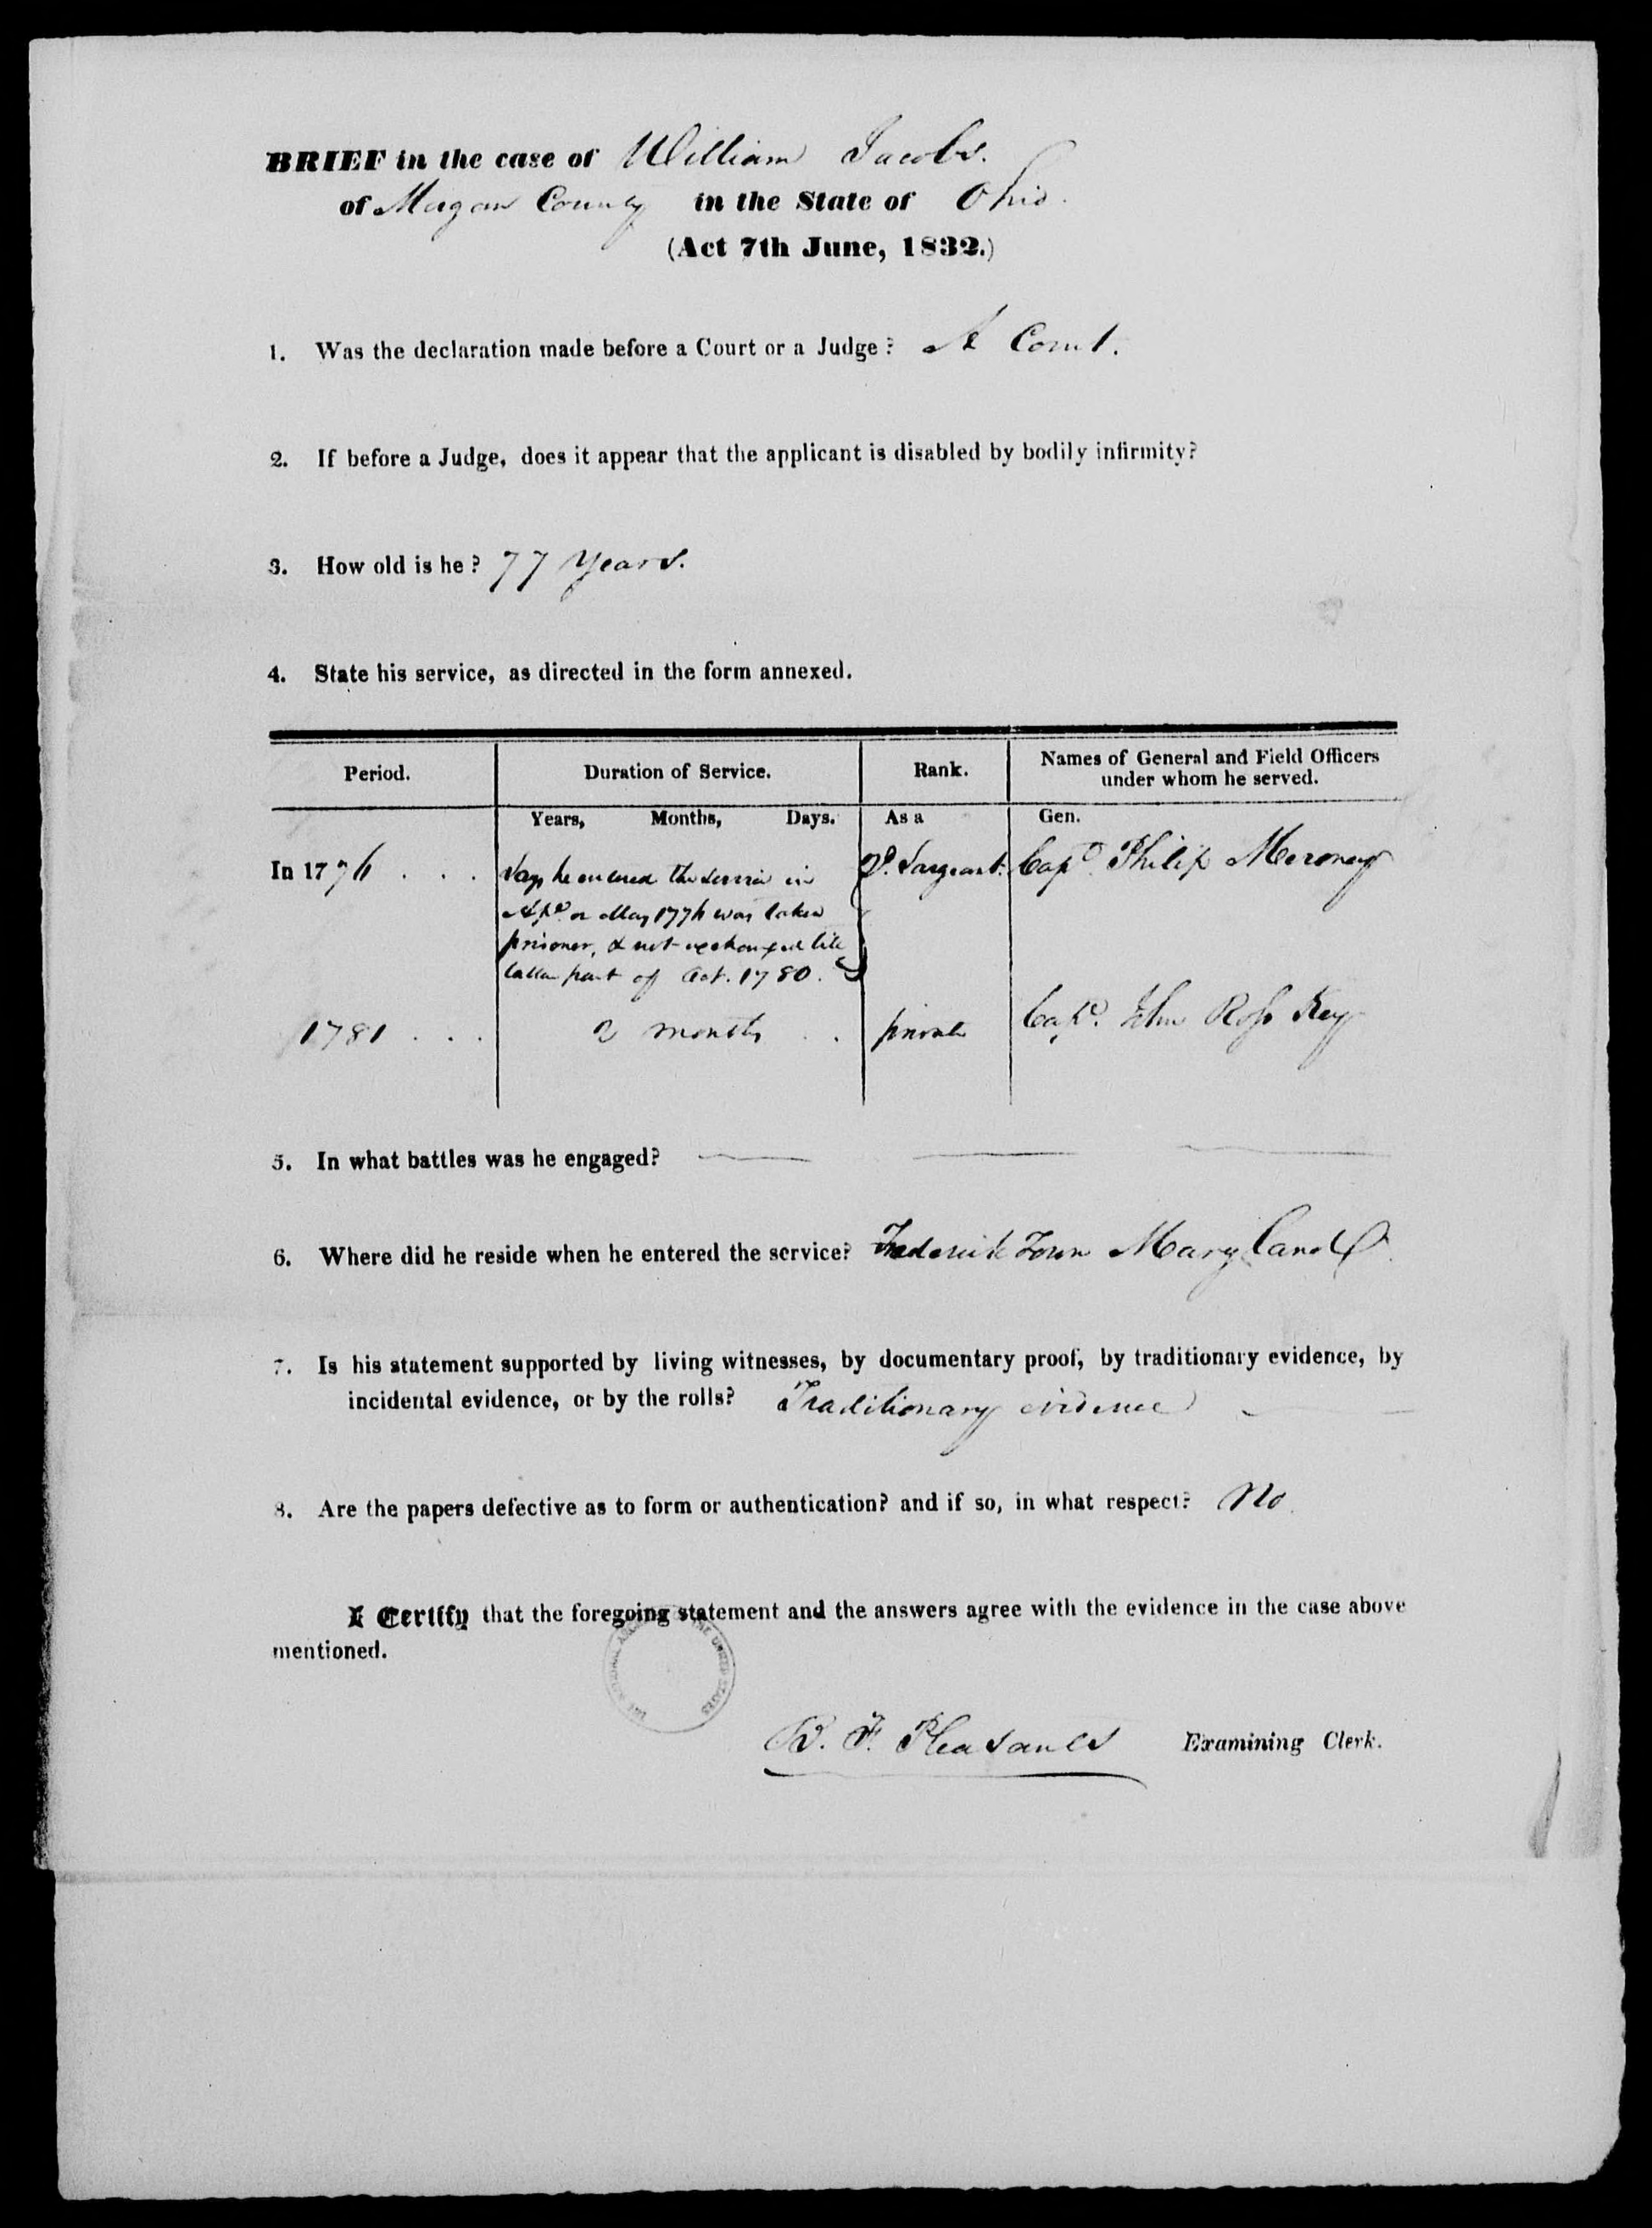Brief in the case of William Jacobs
of Morgan County in the state of Ohio
(Act 7th June 1832)

1. Was the declaration made before a court or a judge? - A Court
2. If before a Judge, does it appear that the applicant is disabled by bodily infirmity? BLANK
3. How old is he? 77 years
4. State his service as directed in the form annexed:

Period
1. 1776
2. 1781

Duration of Service
1. Says he entered the service in Apr or Ma 1776 was taken prisoner & not exchanged till latter part of Oct 1780
2. 2 months

Rank
1. Sargeant
2. Private

Names of General and Field Officers under whom he served
1. Capt. Philip Maroney
2. Capt. John Ross Key

5. In what battles was he engaged - BLANK
6. Where did he reside when he entered the service? - Frederick Town Maryland
7. Is his statement supported by living witnesses by documentary proof by traditionary evidence by incidental evidence or by the rolls? - Traditionary Evidence
8. X Certify that the foregoing statement and the answers agrees with the evidence in the case above mentioned.

B F Pleasance - Examining Clerk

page: 4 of 23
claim: survivor's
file: S. 2289, for William Jacobs, Maryland